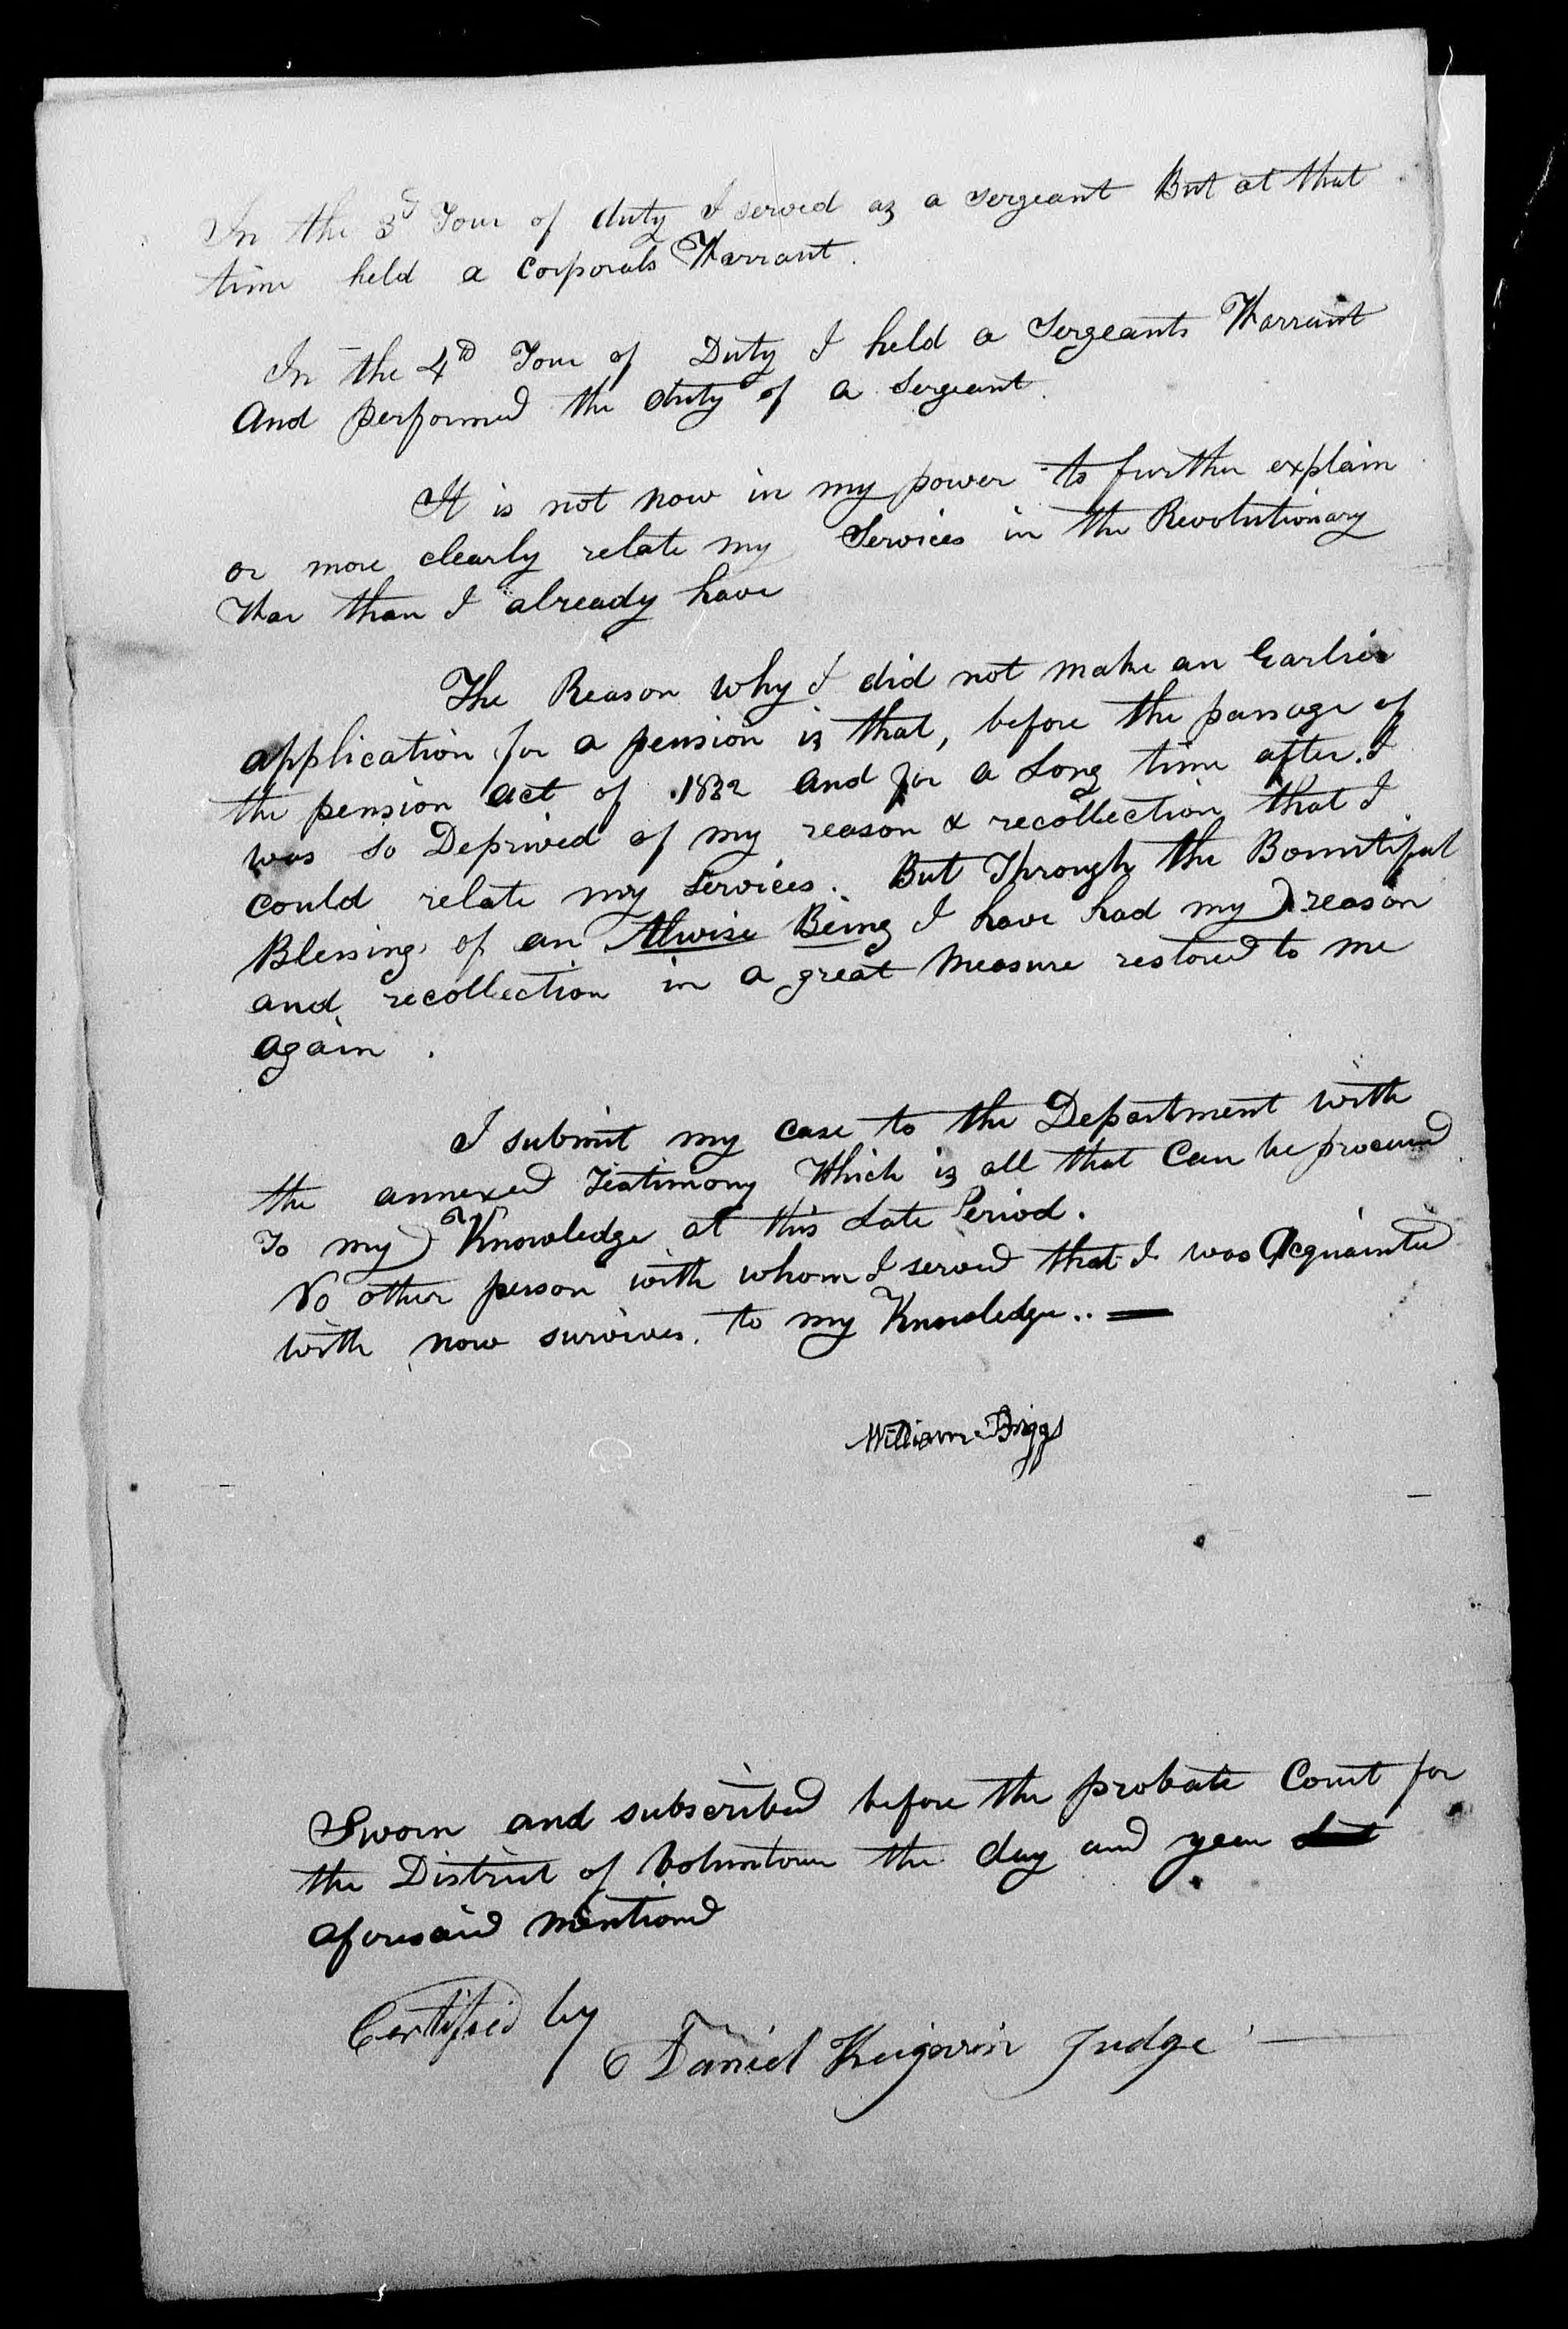In the 3rd Tour of Duty I served as a sergeant but at the time held a Corporals Warrant.

On the 4th Tour of Duty I held a Sergeants Warrant and performed the duty of a Sergeant
It is not now in my power to further explain or more clearly relate my Services in the Revolutionary War than I already have.

The reason why I did not make an earlier application for a pension is that, before the passage of the pension act of 1882 and for a long time after I was so deprived of my reason and recollection that I could relate my services.  But through the Bountiful Blessing of a Allwise Being [last two words underlined] I have my reason and recollection in a great measure restored to me again.

I submit my case to the Department with the annexed Testimony which I think is all that can be procured to my sd knowledge at this date Period.  No other person with whom I served that I was acquainted with now survives to my knowledge,

[Signed]  William Briggs

Sworn and Subscribed before the Probate Court for the District of Voluntown the day and year [next word crossed out] aforesaid mentioned

Certified by
Daniel Keigwin Judge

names: Daniel Keigwin, William Briggs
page: 26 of 37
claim: survivor's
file: S. 12,281, William Briggs, Conn.